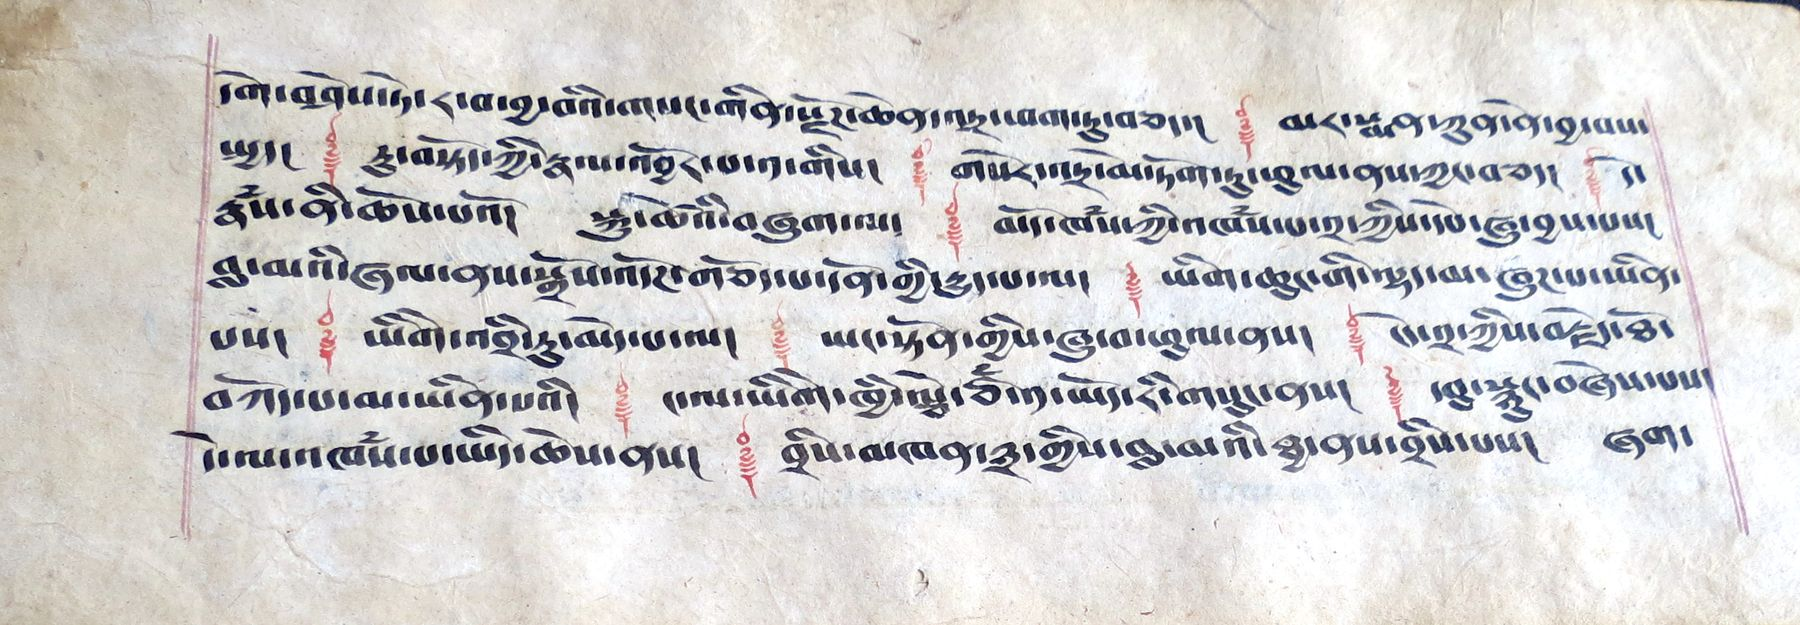དགེ་བཤེས་ཏེ་ར་བ་བྱ་བས་གསང་གིན་རྫོགས་ཆེན་འདྲ་ཕག་ཏུ་སྤྱད། མར་སྨན་ཀུན་ནེ་བྱ་བས་
སྤྱད། རུ་སྟོད་ཀྱི་རྣལ་འབྱོར་པ་གཅིག་གིས་གསེར་འདྲ་མེ་ཏོག་ཏུ་ཕུལ་གྱིན་ཀྱང་སྤྱད། དེ་
རྣམས་ནི་ཆོས་པའོ། ། སྐུ་ཚེའི་གཞུག་ལ་མདོ་ཁམས་ཀྱི་ཁམས་པ་གཉིས་ཀྱིས་དཔེ་ཞུ་བྱས་པས། 
བླ་མའི་ཞལ་ནས་སྒྲོས་འདོགས་གཅོད་པ་དོན་གྱི་བརྒྱུད་པ་ལ། ཡིག་ཆུང་གི་ལྷད་མ་ཞུགས་པ་ཡིན་
པས། བླ་ཡི་གེ་འབྲི་རུ་མེད་པ་ལ། ཡང་སྟོན་གྱིས་ཞུ་བ་ཕུལ་ནས། ངེད་གཉིས་ཀྱིས་བརྗེད་ཐོ་
བཀོད་པ་མ་ཡིན་པའི། ང་ལ་ཡི་གེ་ཁྱི་ལྕེ་ཙམ་གཅིག་ཡོད་རེ་གསུངས་ནས། དབུ་བསྙུང་བཞེས་པས། 
དེ་ལ་ཁམས་པ་ཡིད་ཆེས་ནས། བྲིས་མཁན་གསུམ་གྱིས་བླ་མའི་ཐུགས་ནས་བྲིས་པས། ཞག་